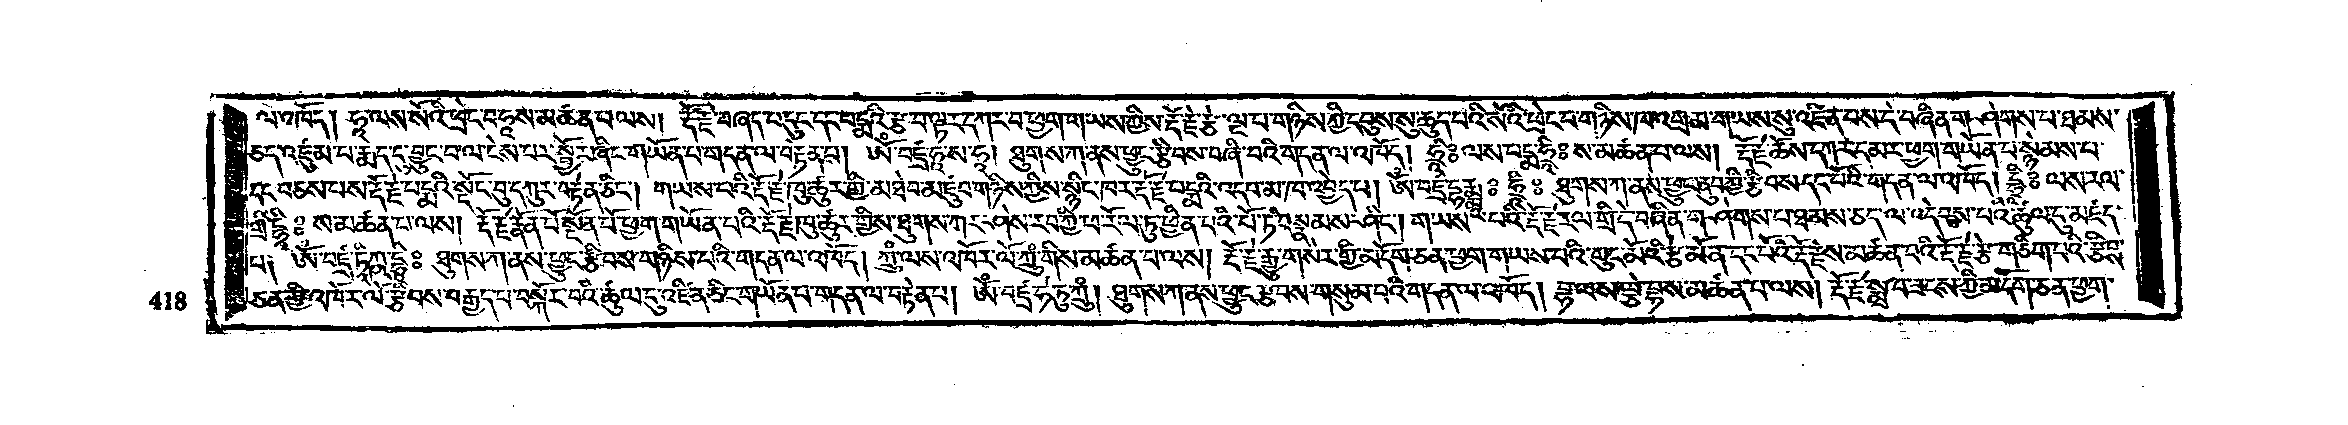ལ་འཁོད། ཧཱ་ལས་སོའི་ཕྲེང་བ་ཧཱས་མཚན་པ་ལས། རྡོ་རྗེ་བཞད་པ་དུང་དང་པདམའི་རྩ་བ་ལྟར་དཀར་བ་ཕྱག་གཡས་ཀྱིས་རྡོ་རྗེ་རྩེ་ལྔ་པ་གཉིས་ཀྱི་དབུས་སུ་ཆུད་པའི་སོའི་ཕྲེང་བ་གཉིས་ཁ་འགྲམ་གཡས་སུ་འཛིན་པས་དེ་བཞིན་གཤེགས་པ་ཐམས་
ཅད་འཛུམ་པ་རྨད་དུ་བྱུང་བ་ལ་ངེས་པར་སྦྱོར་ཞིང་གཡོན་པ་གདན་ལ་བརྟེན་པ། ཨོཾ་བཛྲ་ཧཱ་ས་ཧཱ། ཐུགས་ཀ་ནས་ཕྱུང་རྩིབས་བཞི་པའི་གདན་ལ་འཁོད། ཧྲཱིཿ ལས་པདམ་ཧྲཱིཿ ས་མཚན་པ་ལས། རྡོ་རྗེ་ཆོས་དཀར་དམར་ཕྱག་གཡོན་པ་སྙེམས་པ་
དང་བཅས་པས་རྡོ་རྗེ་པདམའི་སྡོང་བུ་དཀུར་བརྟེན་ཅིང་། གཡས་པའི་རྡོ་རྗེ་ཁུ་ཚུར་གྱི་མཐེབ་མཛུབ་གཉིས་ཀྱིས་སྙིང་ཁར་རྡོ་རྗེ་པདམའི་འདབ་མ་ཁ་འབྱེད་པ། ཨོཾ་བཛྲ་དྷྲམྨཿ ཧྲཱིཿ ཐུགས་ཀ་ནས་ཕྱུང་ནུབ་ཀྱི་རྩིབས་དང་པོའི་གདན་ལ་འཁོད། དྷྲཱིཿ ལས་རལ་
གྲི་དྷཱིཿ ས་མཚན་པ་ལས། རྡོ་རྗེ་རྣོན་པོ་སྔོན་པོ་ཕྱག་གཡོན་པའི་རྡོ་རྗེ་ཁུ་ཚུར་གྱིས་ཐུགས་ཀར་ཤེས་རབ་ཀྱི་ཕ་རོལ་ཏུ་ཕྱིན་པའི་པོ་ཏཾ་བསྣམས་ཤིང་། གཡས་པའི་རྡོ་རྗེ་རལ་གྲི་དེ་བཞིན་གཤེགས་པ་ཐམས་ཅད་ལ་འདེབས་པའི་ཚུལ་དུ་མཛད་
པ། ཨོཾ་བཛྲ་ཏཱིཀྵ་དྷཱིཿ ཐུགས་ཀ་ནས་ཕྱུང་རྩིབས་གཉིས་པའི་གདན་ལ་འཁོད། ཀྲུཾ་ལས་འཁོར་ལོ་ཀྲུཾ་གིས་མཚན་པ་ལས། རྡོ་རྗེ་རྒྱུ་གསེར་གྱི་མདོག་ཅན་ཕྱག་གཡས་པའི་གུང་མོའི་རྩེ་མོ་ན་དང་པོའི་རྡོ་རྗེས་མཚན་པའི་རྡོ་རྗེ་རྩེ་གཅིག་པའི་རྩིབས་
ཅན་གྱི་འཁོར་ལོ་རྩིབས་བརྒྱད་པ་བསྐོར་བའི་ཚུལ་དུ་འཛིན་ཅིང་གཡོན་པ་གདན་ལ་བརྟེན་པ། ཨོཾ་བཛྲ་ཧེ་ཏུ་ཀྲུཾ། ཐུགས་ཀ་ནས་ཕྱུང་རྩིབས་གསུམ་པའི་གདན་ལ་འཁོད། བྷ་ལས་ལྕེ་བྷས་མཚན་པ་ལས། རྡོ་རྗེ་སྨྲ་བ་ཟངས་ཀྱི་མདོག་ཅན་ཕྱག་